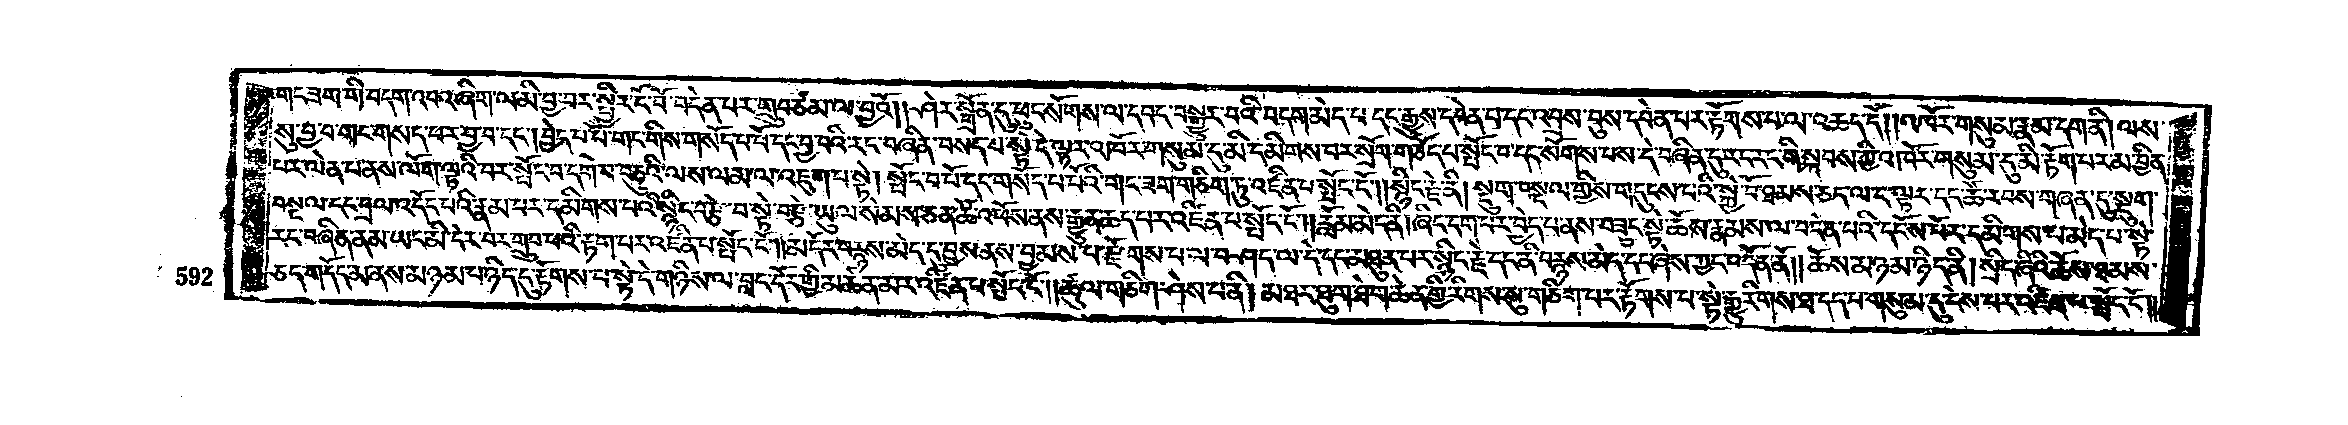གང་ཟག་གི་བདག་འབའ་ཞིག་ལ་མི་བྱ་བར་སྤྱིར་ངོ་བོ་བདེན་པར་གྲུབ་ཙམ་ལ་བྱའོ། །ཤེར་སྒྲོན་དུ་ཕུང་སོགས་ལ་དབང་བསྒྱུར་བའི་བདག་མེད་པ་དང་རྒྱུས་དབེན་པ་དང་འབྲས་བུས་དབེན་པར་རྟོགས་པ་ལ་འཆད་དོ། །འཁོར་གསུམ་རྣམ་དག་ནི། ལས་
སུ་བྱ་བ་གང་གསད་པར་བྱ་བ་དང་། བྱེད་པ་པོ་གང་གིས་གསོད་པ་པོ་དང་བྱ་བའི་རང་བཞིན་བསྲིད་པ་སྟེ་དེ་ལྟར་འཁོར་གསུམ་དུ་མི་དམིགས་པར་སྲོག་གཅོད་པ་སྤོང་བ་དང་སོགས་པས་དེ་བཞིན་དུ་རང་རང་གི་སྐབས་ཀྱི་འཁོར་གསུམ་དུ་མི་རྟོག་པར་མ་བྱིན་
པར་ལེན་པ་ནས་ལོག་ལྟའི་བར་སྤོང་བ་དགེ་བ་བཅུའི་ལས་ལམ་ལ་འཇུག་པ་སྟེ། སྤོང་བ་པོ་དང་གསོད་པའི་པོའི་གང་ཟག་གཅིག་ཏུ་འཛིན་པ་སྤོང་ངོ། །སྙིང་རྗེ་ནི། སྡུག་བསྔལ་གྱིས་གདུངས་པའི་སྐྱེ་བོ་ཐམས་ཅད་ལ་ད་ལྟར་དང་ཚེ་རབས་གཞན་དུ་སྡུག་
བསྔལ་དང་བྲལ་འདོད་པའི་རྣམ་པར་དམིགས་པའི་སྙིང་བརྩེ་བ་སྟེ་བརྩེ་ཡུལ་སེམས་ཅན་ཚེ་འཕོས་ནས་རྒྱུན་ཆད་པར་འཛིན་པ་སྤོང་ངོ། །རློམ་མེད་ནི། ཞིང་དག་པར་བྱེད་པ་ནས་བཟུང་སྟེ་ཆོས་རྣམས་ལ་བདེན་པའི་དངོས་པོར་དམིགས་པ་མེད་པ་སྟེ་
རང་བཞིན་ནམ་ཡང་མི་དེར་བར་གྲུབ་པའི་རྟག་པར་འཛིན་པ་སྤོང་ངོ། །མདོར་བརྙས་མེད་དུ་བྱས་ནས་བྱམས་པ་རྫོགས་པ་ལ་བཤད་ལ་དེ་དང་མཐུན་པར་སྙིང་རྗེ་དང་ནི་བརྙས་མེད་དང་ཞེས་ཀྱང་འདོན་ནོ། །ཆོས་མཉམ་ཉིད་ནི། སྲིད་ཞིའི་ཆོས་ཐམས་
ཅད་གདོད་མ་ནས་མཉམ་པ་ཉིད་དུ་རྟོགས་པ་སྟེ་དེ་གཉིས་ལ་བླང་དོར་གྱི་མཚན་མར་འཛིན་པ་སྤོང་ངོ། །ཚུལ་གཅིག་ཤེས་པ་ནི། མཐར་ཐུག་ཐེག་ཆེན་གྱི་རིགས་སུ་གཅིག་པར་རྟོགས་པ་སྟེ་རྒྱུ་རིགས་ཐ་དད་པ་གསུམ་དུ་ངེས་པར་འཛིན་པ་སྤོང་ངོ།